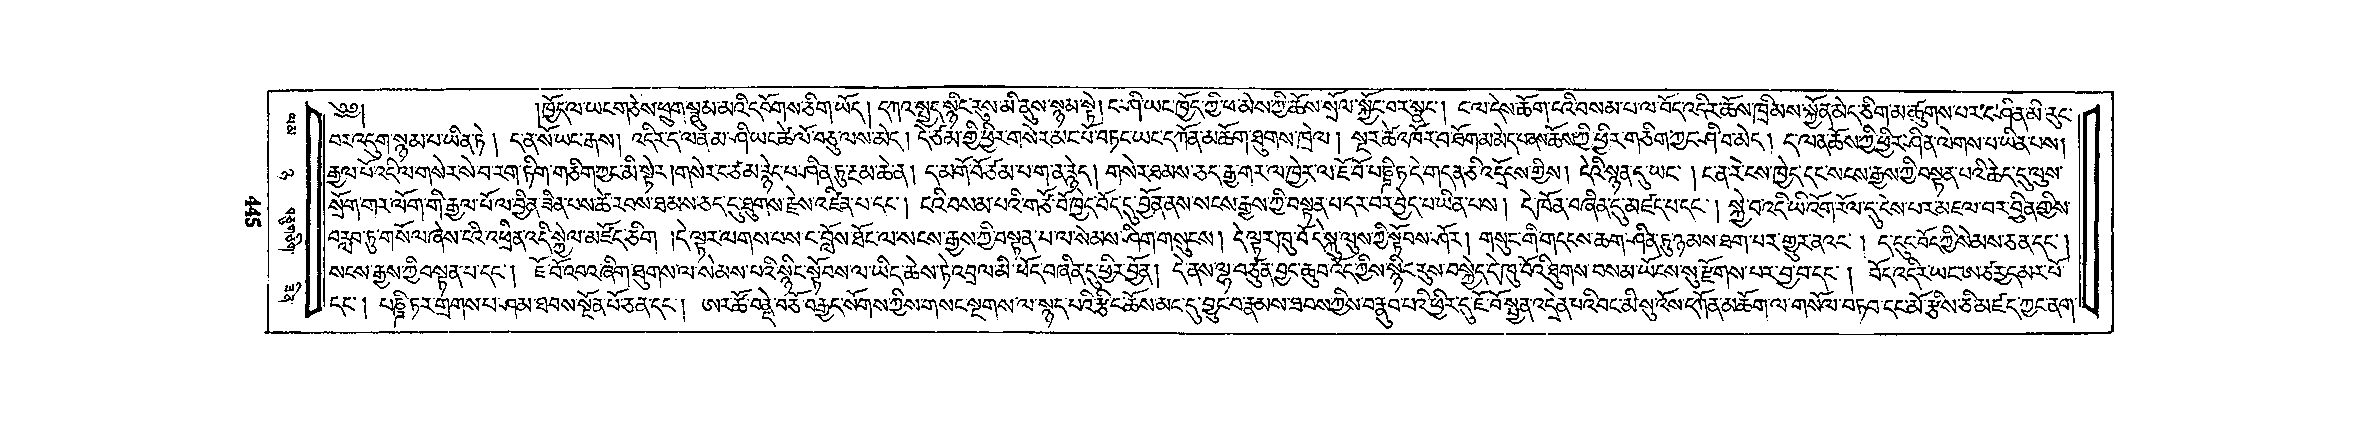༄༅། །ཁྱོད་ལ་ཡང་གཅེས་ཕྲུག་སྣུམ་མའི་དབོགས་ཅིག་ཡོད། དཀའ་སྤྱད་སྙིང་རུས་མི་ནུས་སྙམ་སྟེ། ང་ཤི་ཡང་ཁྱོད་ཀྱི་ཕ་མེས་ཀྱི་ཆོས་སྲོལ་སྐྱོང་བར་སྣང་། ང་ལ་དེས་ཆོག་ངའི་བསམ་པ་ལ་བོད་འདིར་ཆོས་ཁྲིམས་སྐྱོན་མེད་ཅིག་མ་ཚུགས་པར་ང་ཤིན་མི་རུང་
བར་འདུག་སྙམ་པ་ཡིན་ཏེ། ད་ན་སོ་ཡང་རྒས། འདིར་ད་ལན་མ་ཤི་ཡང་ཚེ་ལོ་བཅུ་ལས་མེད། དེ་ཙམ་གྱི་ཕྱིར་གསེར་མང་པོ་བཏང་ཡང་དཀོན་མཆོག་ཐུགས་ཁྲེལ། སྔར་ཚེ་འཁོར་བ་ཐོག་མ་མེད་པ་ནས་ཆོས་ཀྱི་ཕྱིར་གཅིག་ཀྱང་ཤི་བ་མེད། ད་ལན་ཆོས་ཀྱི་ཕྱིར་ཤིན་ལེགས་པ་ཡིན་པས།
རྒྱལ་པོ་འདི་ལ་གསེར་སེ་བ་རག་ཏིག་གཅིག་ཀྱང་མི་སྟེར། གསེར་ང་ཙམ་རྙེད་པ་ཤིན་ཏུ་རྔམ་ཆེ་ན། ད་མགོ་བོ་ཙམ་པ་ག་ན་རྙེད། གསེར་ཐམས་ཅད་རྒྱ་གར་ལ་ཁྱེར་ལ་ཇོ་བོ་པཎྜིཏ་དེ་གདན་ཅི་འདྲོངས་གྱིས། དེའི་སྙན་དུ་ཡང་། ང་ན་རེ་ངས་ཁྱེད་དང་སངས་རྒྱས་ཀྱི་བསྟན་པའི་ཆེད་དུ་ལུས་
སྲོག་གར་ལོག་གི་རྒྱལ་པོ་ལ་བྱིན་ཟིན་པས་ཚེ་རབས་ཐམས་ཅད་དུ་ཐུགས་རྗེས་འཛིན་པ་དང་། ངའི་བསམ་པའི་གཙོ་བོ་ཁྱེད་བོད་དུ་བྱོན་ནས་སངས་རྒྱས་ཀྱི་བསྟན་པ་དར་བར་བྱེད་པ་ཡིན་པས། དེ་ཁོ་ན་བཞིན་དུ་མཛད་པ་དང་། སྐྱེ་བ་འདི་ཡི་འོག་རོལ་དུ་ངེས་པར་མཇལ་བར་བྱིན་གྱིས་
བརླབ་ཏུ་གསོལ་ཞེས་ངའི་འཕྲིན་འདི་སྐྱེལ་མཛོད་ཅིག །དེ་ལྟར་ལགས་པས་ང་བློས་ཐོང་ལ་སངས་རྒྱས་ཀྱི་བསྟན་པ་ལ་སེམས་ཤིག་གསུངས། དེ་ལྟར་ཁུ་བོ་དེ་སྐུ་ལུས་ཀྱི་སྟོབས་ཤོར། གསུང་གི་གདངས་ཆག་ཤིན་ཏུ་ཉམས་ཐག་པར་གྱུར་ནའང་། ད་དུང་བོད་ཀྱི་སེམས་ཅན་དང་།
སངས་རྒྱས་ཀྱི་བསྟན་པ་དང་། ཇོ་བོ་འབའ་ཞིག་ཐུགས་ལ་སེམས་པའི་སྙིང་སྟོབས་ལ་ཡིད་ཆེས་ཏེ་འབྲལ་མི་ཕོད་བཞིན་དུ་ཕྱིར་བྱོན། དེ་ནས་ལྷ་བཙུན་བྱང་ཆུབ་འོད་ཀྱིས་སྙིང་རུས་བསྐྱེད་དེ་ཁུ་བོའི་ཐུགས་བསམ་ཡོངས་སུ་རྫོགས་པར་བྱ་བ་དང་། བོད་འདིར་ཡང་ཨ་ཙརྱ་དམར་པོ་
དང་། པཎྜ་ཏར་གྲགས་པ་ཤམ་ཐབས་སྔོན་པོ་ཅན་དང་། ཨར་ཚོ་བནྡེ་བཅོ་བརྒྱད་སོགས་ཀྱིས་གསང་སྔགས་ལ་སྙད་པའི་རྩིང་ཆོས་མང་དུ་བྱུང་བ་རྣམས་ཐབས་ཀྱིས་བརྣུབ་པའི་ཕྱིར་དུ་ཇོ་བོ་སྤྱན་འདྲེན་པའི་བང་མི་སུ་འོས་དཀོན་མཆོག་ལ་གསོལ་བཏབ་དང་མོ་རྩིས་ཅི་མཛད་ཀྱང་ནག་